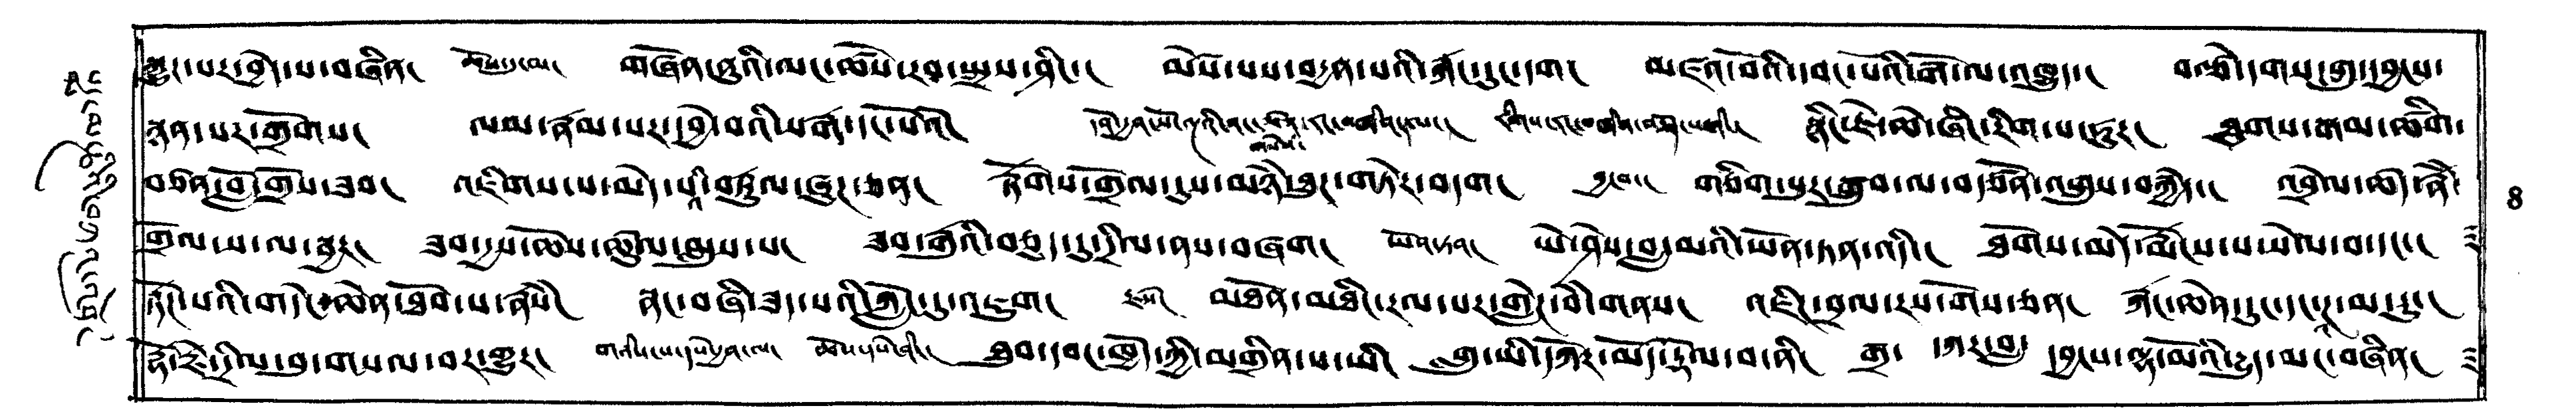སྐྱུགས་པར་བྱེད་པ་བཞིན། ། ཆོས་དུ་མ། གཞོན་ནུའི་ལང་ཚོས་རབ་སྤྲས་ཤིང་། །མཛེས་པས་བརྒྱན་པའི་རྐང་དྲུག་དག མཛའ་བོའི་དབང་པོའི་སྒོ་ལ་འཁྱུད། །རྩེ་དགས་གླུ་དབྱངས་
སྙན་པར་སྒྲོགས། །ལམ་རྣམ་པར་དབྱེ་བའི་སརྒ་དང་པོའོ། ། ། དོན་རྒྱན་སོ་ལྔའི་ནང་གསེས་རང་བཞིན་བརྗོད་པའི་རྒྱན་ལས། རིགས་རང་བཞིན་བརྗོད་པ་ནི། སྙིང་རྗེ་ཆེ་ཞིང་རིག་པ་ཧུར། །ཐུགས་སྒམ་ཚིག་
བཙན་བློ་གྲོས་ཟབ། །འཇིགས་པ་མེད་པའི་བརྟུལ་ཞུགས་ཅན། ། རྟོགས་གྲོལ་དུས་མཉམ་ཐུགས་གཏེར་བདག ། བྱ་བ། གཅིག་པུར་སྒྲུབ་ལ་བརྩོན་འགྲུས་བསྐྱེད། ། འབྲེལ་ཚད་རྣམ་
གྲོལ་ས་ལ་སྦྱར། །ཟབ་རྒྱས་ཆོས་ཚུལ་མ་ལུས་པ། །ཟབ་རྒུའི་བཅུད་དུ་དྲིལ་ནས་བཞག ། ཡོན་ཏན། ཡེ་ཤེས་བླ་མའི་ཡོན་ཏན་འདི། །ཐོགས་མེད་རྨོངས་པ་སེལ་བ་དང་། །
རྟོགས་པའི་གདེང་ཆེན་ཐོབ་པ་རྣམས། །སྣང་བཞི་ཟད་པའི་ཀློང་དུ་འཇུག ། རྫས། མཐོན་མཐིང་རལ་པའི་གླེགས་བམ་ནས། །འཇིགས་བྲལ་རས་དཀར་བླ་གོས་ཅན། །རྐང་ཆེན་དུང་དང་ཌཱ་མ་རུ། ། 
རྡོ་རྗེ་དྲིལ་བུ་གསལ་བར་གྱུར། ། གཉིས་པ་དཔེ་རྒྱན་ལ། ཆོས་དཔེ་ནི། ཐུབ་དབང་ཁྱོད་ཀྱི་མགྲིན་པ་ཡི། །གླུ་ཡི་དཀོར་མཛོད་རྡོལ་བ་ནི། །སྒྲ་དབྱངས་ལྷ་མོའི་རྒྱུད་མང་བཞིན། །